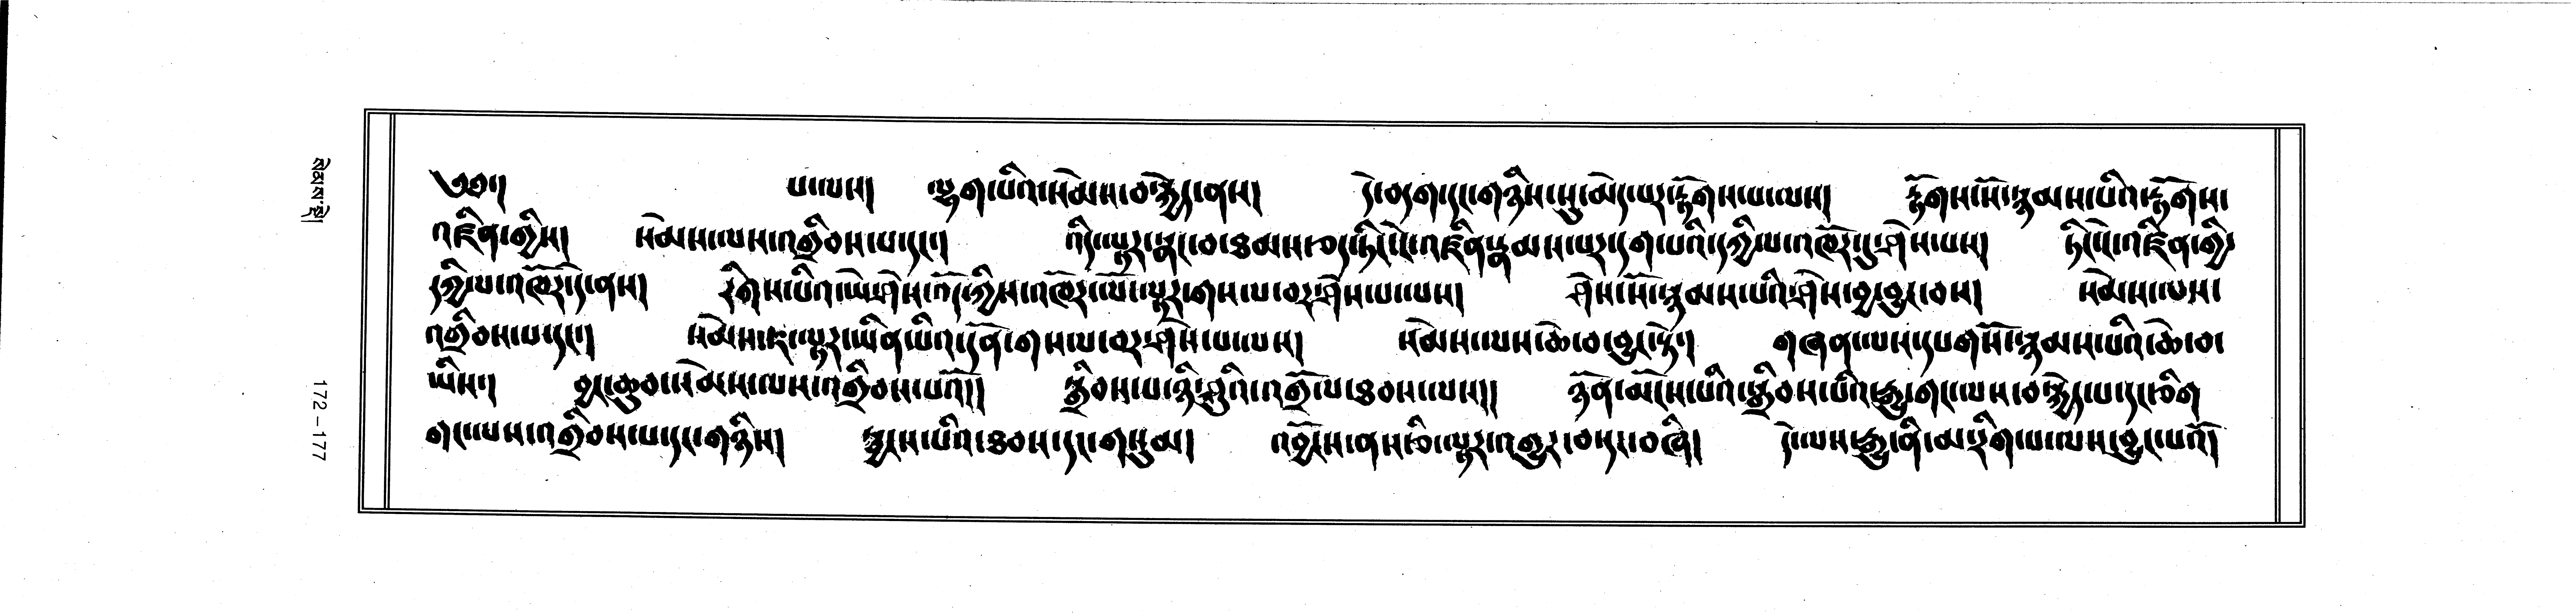པ་ལས། ལྷག་པའི་སེམས་བསྐྱེད་ནས། དེ་བདག་དང་གཉིས་སུ་མེད་པར་རྟོགས་པ་ལས། རྟོགས་སོ་སྙམས་པའི་རྟོགས་
འཛིན་གྱིས། སེམས་ལས་འགྲིབས་པ་དང་། འདི་ལྟར་སྣང་བ་ཐམས་ཅད་ཏིང་ངེ་འཛིན་རྣམ་པར་དག་པའི་དཀྱིལ་འཁོར་དུ་ཤེས་པས། ཏིང་ངེ་འཛིན་གྱི་
དཀྱིལ་འཁོར་དེ་ནས། རིག་པའི་ཡེ་ཤེས་འོད་ཀྱིས་འཁོར་ལོ་ལྟར་གསལ་བར་ཤེས་པ་ལས། ཤེས་སོ་སྙམས་པའི་ཤེས་བྱ་བྱུང་བས། སེམས་ལས་
འགྲིབས་པ་དང་། སེམས་ཇི་ལྟར་ཡིན་པའི་དོན་གསལ་བར་ཤེས་པ་ལས། སེམས་ལས་ཆེ་བ་བྱུང་སྟེ། གཞན་ལས་དཔག་སོ་སྙམས་པའི་ཆེ་བ་
ཡིས། བྱང་ཆུབ་སེམས་ལས་འགྲིབས་པའོ། སྒྲིབ་པ་ཉི་ཤུའི་འགྲོལ་ཐབས་ལས། ཉོན་མོངས་པའི་སྒྲིབ་པ་རྒྱུ་གང་ལས་བསྐྱེད་པ་དང་ཅིག 
གང་ལས་འགྲིབས་པ་དང་གཉིས། སྦྱངས་པའི་ཐབས་དང་གསུམ། འབྱོངས་ནས་ཅི་ལྟར་འགྱུར་བ་དང་བཞི། དེ་ལས་རྒྱུ་ནི་མ་རིག་པ་ལས་བྱུང་པའོ།